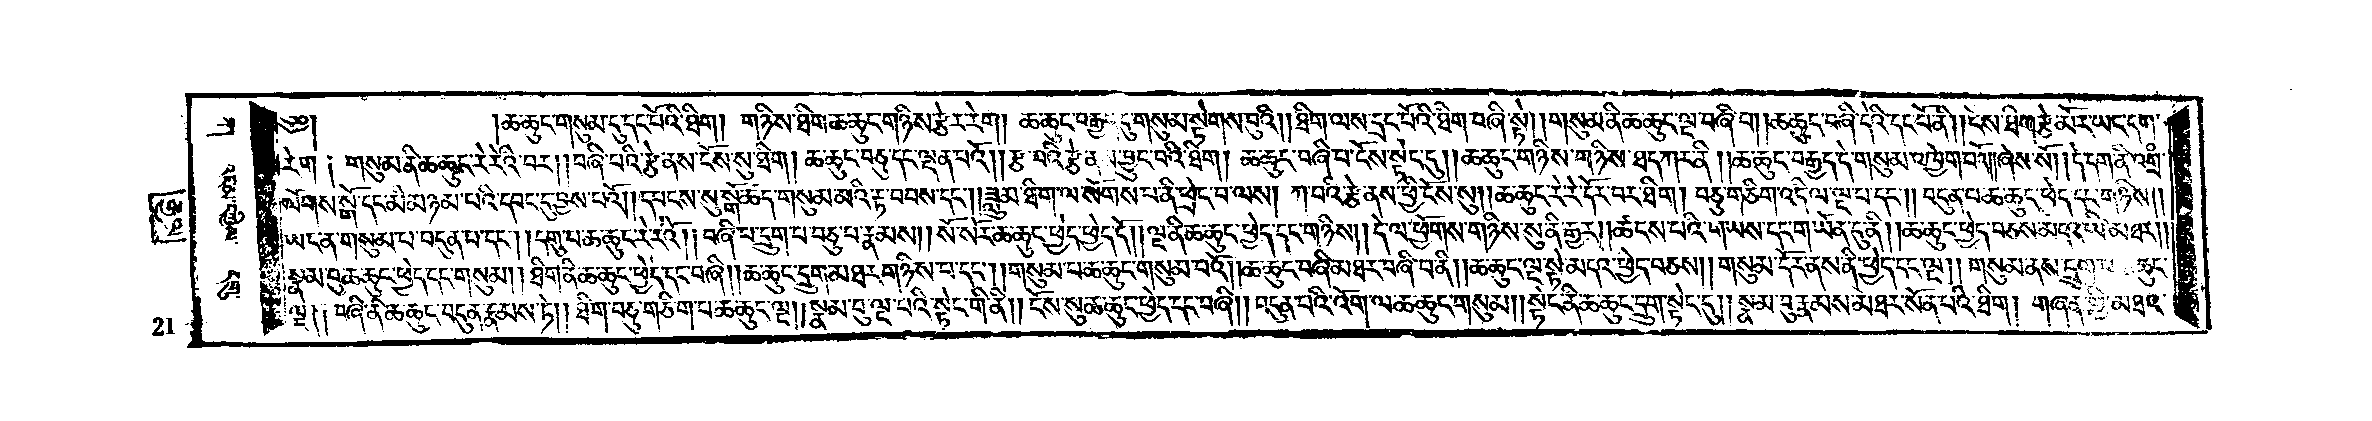༄༅། །ཆ་ཆུང་གསུམ་དུ་དང་པོའི་ཐིག །གཉིས་ཐིག་ཆ་ཆུང་གཉིས་རྩེར་རེག །ཆ་ཆུང་བརྒྱད་དུ་གསུམ་སྟེགས་བུའི། །ཐིག་ལས་དྲང་པོའི་ཐིག་བཞི་སྟེ། །གསུམ་ནི་ཆ་ཆུང་ལྔ་བཞི་པ། །ཆ་ཆུང་བཞི་དེའི་དང་པོ་ནི། །ངེས་ཐིག་རྩེ་མོར་ཡང་དག་
རེག ༑གསུམ་ནི་ཆ་ཆུང་རེ་རེའི་བར། །བཞི་པའི་རྩེ་ནས་ངོས་སུ་ཐིག །ཆ་ཆུང་བཅུ་དང་ལྡན་པའོ། །རྩ་བའི་རྩེ་ནས་བྱུང་བའི་ཐིག །ཆ་ཆུང་བཞི་པ་ངོས་སྟེང་དུ། །ཆ་ཆུང་གཉིས་གཉིས་ཐད་ཀར་ནི། །ཆ་ཆུང་བརྒྱད་དེ་གསུམ་འཁྱེག་པའོ། །ཞེས་སོ། །དེ་དག་ནི་འགྲཾ་
ལོགས་སྒོ་དང་མི་མཉམ་པའི་དབང་དུ་བྱས་པའོ། །དཔངས་སུ་སྒོ་ཚད་གསུམ་མའི་རྟ་བབས་དང་། །ཟླུམ་ཐིག་ལ་སོགས་པ་ནི་ཕྲེང་བ་ལས། ཀ་བའི་རྩེ་ནས་ཕྱི་ངོས་སུ། །ཆ་ཆུང་རེ་རེ་དོར་བར་ཐིག །བཅུ་གཅིག་འདི་ལ་ལྔ་པ་དང་། །བདུན་པ་ཆ་ཆུང་ཕྱེད་བཅས་མདའ་ཡི་མཐར། །
ཡང་ན་གསུམ་པ་བདུན་པ་དང་། །དགུ་པ་ཆ་ཆུང་རེ་རེའོ། །བཞི་པ་དྲུག་པ་བཅུ་པ་རྣམས། །སོ་སོར་ཆ་ཆུང་ཕྱེད་ཕྱེད་དོ། །ལྔ་ནི་ཆ་ཆུང་ཕྱེད་དང་གཉིས། །དེ་ལ་ཕྱོགས་གཉིས་སུ་ནི་རྒྱར། །ཚངས་པའི་གཡས་དང་གཡོན་དུ་ནི། །ཆ་ཆུང་ཕྱེད་བཅས་མདའ་ཡི་མཐར། །
སྣམ་བུ་ཆ་ཆུང་ཕྱེད་དང་གསུམ། །ཐིག་ནི་ཆ་ཆུང་ཕྱེད་དང་བཞི། །ཆ་ཆུང་དྲུག་མཐར་གཉིས་པ་དང་། །གསུམ་པ་ཆ་ཆུང་གསུམ་པའོ། །ཆ་ཆུང་བཞི་མཐར་བཞི་བ་ནི། །ཆ་ཆུང་ལྔ་སྟེ་མདའ་ཕྱེད་བཅས། །གསུམ་དོར་ནས་ནི་ཕྱེད་དང་ལྔ། །གསུམ་ནས་དྲུག་པ་ཆ་ཆུང་
ལྔ༑ ༑བཞི་ནི་ཆ་ཆུང་བདུན་རྣམས་ཏེ། །ཐིག་བཅུ་གཅིག་པ་ཆ་ཆུང་ལྔ། །སྣམ་བུ་ལྔ་པའི་སྟེང་གི་ནི། །ངོས་སུ་ཆ་ཆུང་ཕྱེད་དང་བཞི། །བདུན་པའི་འོག་ལ་ཆ་ཆུང་གསུམ། །སྟེང་ནི་ཆ་ཆུང་དྲུག་སྟེང་དུ། །སྣམ་བུ་རྣམས་མཐར་སོན་པའི་ཐིག །གཞན་གྱི་མཐའ་